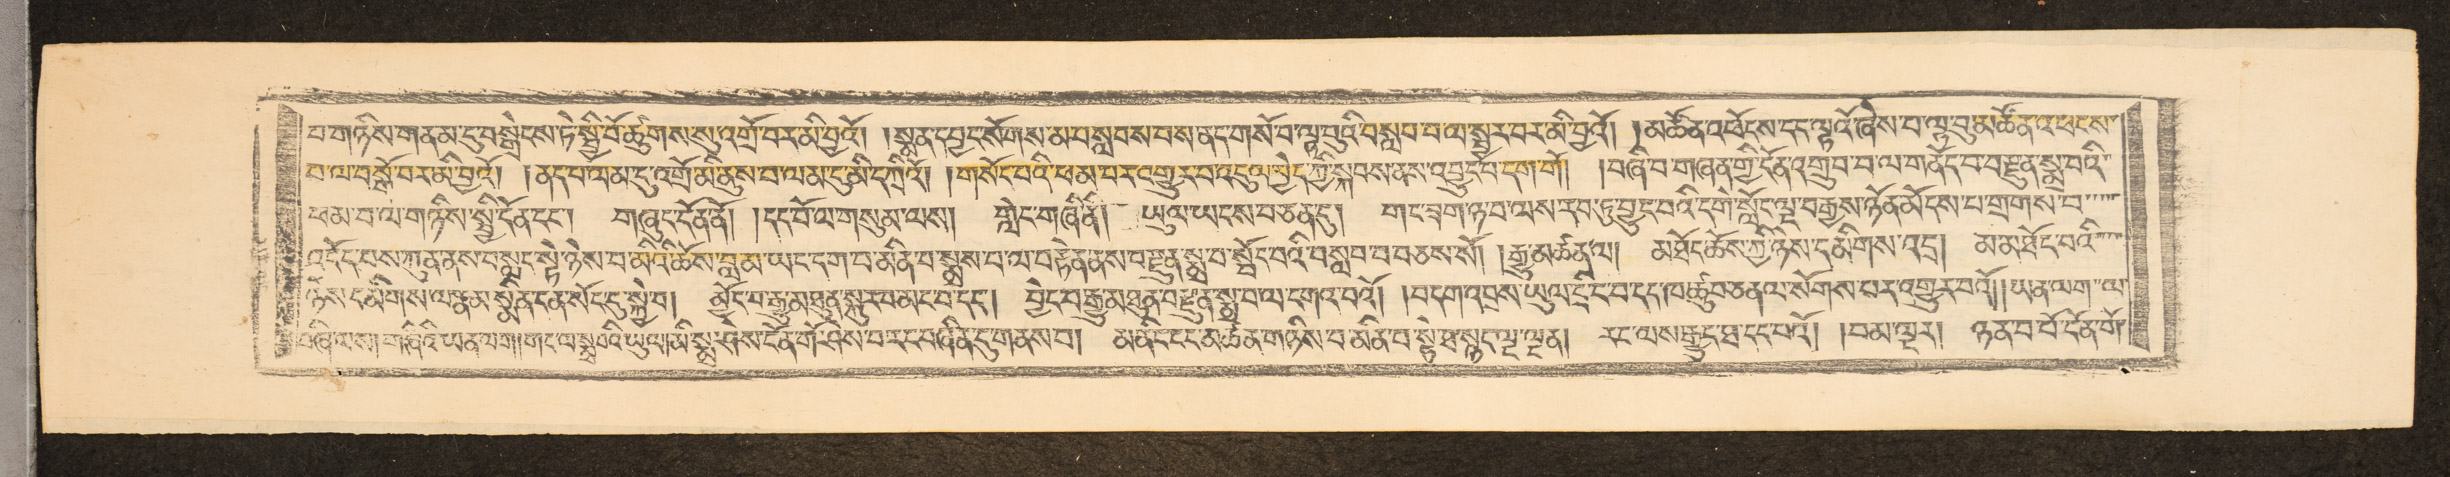བ་གཉིས་གནམ་དུ་བསྒྲེངས་ཏེ་སྤྱི་བོ་ཚུགས་སུ་འགྲོ་བར་མི་བྱའོ། །སྨན་དཔྱད་སོགས་མ་བསླབས་པས་ནད་གསོ་བ་ལྟ་བུའི་བསླབ་པ་ལ་སྦྱར་བར་མི་བྱའོ། །མཚོན་འཕོངས་དང་ལྟའོ་ཞེས་པ་ལྟ་བུ་མཚོན་འཕངས་
པ་ལ་བསྒོ་བར་མི་བྱའོ། །ནད་པ་ལམ་དུ་འགྲོ་མི་ནུས་པ་ལམ་དུ་མི་དཀྲིའོ། །གསོད་པའི་ཕམ་པར་འགྱུར་བ་འདུལ་བྱེད་ཀྱི་སྐབས་ནས་འབྱུང་བ་དག་གོ། །བཞི་པ་གཞན་གྱི་དོན་འགྲུབ་པ་ལ་གནོད་པ་བརྫུན་སྨྲ་བའི་
ཕམ་པ་ལ་གཉིས་སྤྱི་དོན་དང་། གཞུང་དོན་ནོ། །དང་པོ་ལ་གསུམ་ལས། གླེང་གཞི་ནི། ཡུལ་ཡངས་པ་ཅན་དུ། གང་ཟག་ཉ་བ་ལས་རབ་ཏུ་བྱུང་བའི་དགེ་སློང་ལྔ་བརྒྱས་ཉོན་མོངས་པ་གྲགས་པ་
འདོད་པས་ཀུན་ནས་བསླང་སྟེ་ཉེས་པ་མིའི་ཆོས་བླ་མ་ཡང་དག་པ་མིན་པ་སྨྲས་པ་ལ་བརྟེན་ནས་བརྫུན་སྨྲ་བ་སྦོང་བའི་བསླབ་པ་བཅས་སོ། །རྒྱུ་མཚན་ལ། མཐོང་ཆོས་ཀྱི་ཉེས་དམིགས་འདྲ། མ་མཐོང་བའི་
ཉེས་དམིགས་ལ་རྣམ་སྨིན་ངན་སོང་དུ་སྐྱེ་བ། མྱོང་བ་རྒྱུ་མཐུན་སྐུར་བ་མང་བ་དང་། བྱེད་པ་རྒྱུ་མཐུན་བརྫུན་སྨྲ་བ་ལ་དགའ་བའོ། །བདག་འབྲས་ཡུལ་དྲི་ང་བ་དང་ཁ་ཚུབ་ཅན་ལ་སོགས་པར་འགྱུར་བའོ། །ཡན་ལག་ལ་
བཞི་ལས། གཞིའི་ཡན་ལག །གང་ལ་སྨྲ་བའི་ཡུལ། མི་སྨྲ་ཤེས་དོན་གོ་ཤེས་པ་རང་བཞིན་དུ་གནས་པ། མ་ནིང་དང་མཚན་གཉིས་པ་མིན་པ་སྟེ་ཐ་སྙད་ལྔ་ལྡན། རང་ལས་རྒྱུད་ཐ་དད་པའོ། །བམ་ལྔར། ཉན་པ་པོ་དོན་གོ་